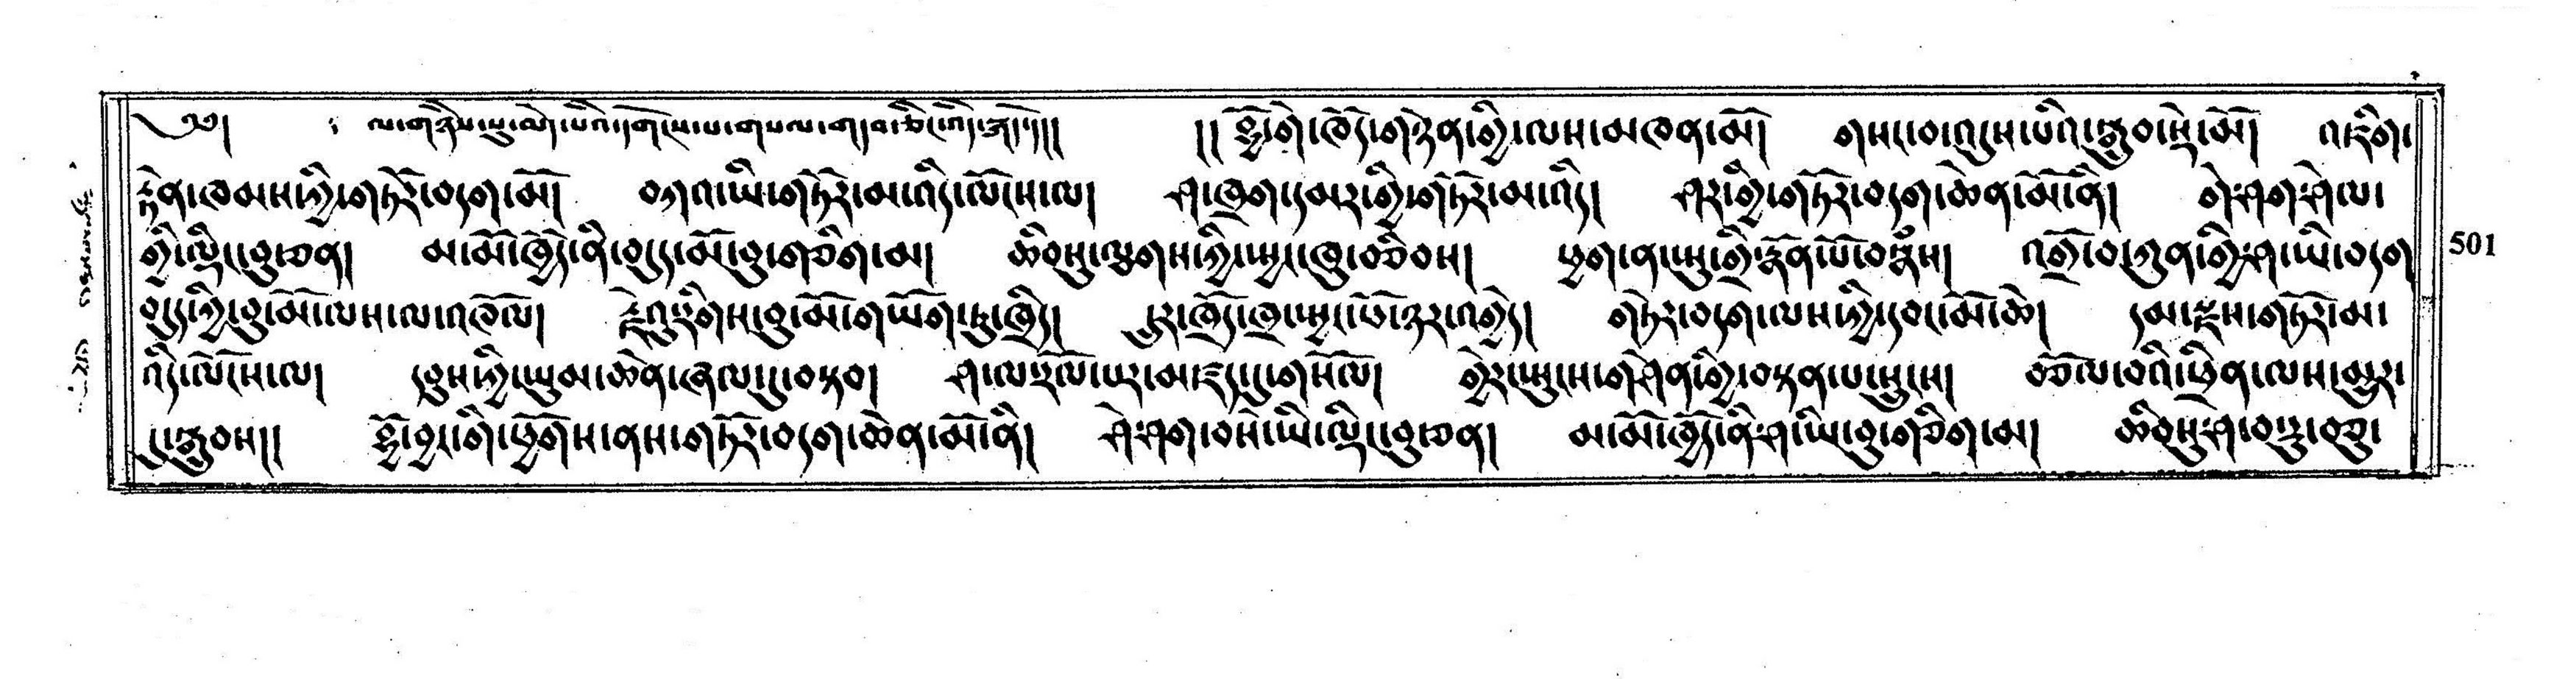ལ་གཉིས་སུ་མེད་པའི་དགོངས་པ་གསལ་གདབ་ཅིང་འདི་སྐད་དོ།། །།བྷྱོ་གེ་ཁོད་གཉེན་གྱི་ལས་མཁན་མོ། གསང་བ་འདུས་པའི་སྒྲུབ་སྡེ་མོ། འཇིག་
རྟེན་ཁམས་ཀྱི་གཏེར་བདག་མོ། བཀའ་ཡི་གཏོར་མ་འདི་ལོངས་ལ། ཤ་ཁྲག་དམར་གྱི་{515}གཏོར་མ་འདི། ཤར་གྱི་གཏོར་བདག་ཆེན་མོ་ནི། གེ་ཤག་ཤེལ་
གྱི་ལྡིང་བུ་ཅན། མ་མོ་ཁྱོད་ནི་བདུད་མོ་བུ་གཅིག་མ། ཆིབས་སུ་ལྕགས་ཀྱི་སྤྱང་ཁུ་བཅིབས། ཕྱག་ན་སྤུ་གྲི་རྣོན་པོ་བསྣམས། འགྲོ་བ་ཀུན་གྱི་ཤ་ཡི་བདག 
བདུད་ཀྱི་བུ་མོ་ལས་ལ་འཁོལ། རྗེའུ་རིགས་བུ་མོ་གཡོག་ཏུ་ཁྲིད། དུར་ཁྲོད་ཁྲ་སྤྱང་ཕོ་ཉར་འགྱེད། གཏེར་བདག་ལས་ཀྱི་དབང་མོ་ཆེ། དམ་རྫས་གཏོར་མ་
འདི་ལོངས་ལ། དབུས་ཀྱི་ཡུམ་ཆེན་ཞལ་དུ་བསྟབ། ཤ་ལ་རོལ་པར་མཛད་དུ་གསོལ། གྱེར་སྤུངས་གཤེན་གྱི་བསྟན་པ་སྲུངས། བཅོལ་བའི་ཕྲིན་ལས་མྱུར་
དུ་སྒྲུབས།། བྷྱོ་བྱང་གི་ཕྱོགས་ནས་གཏོར་བདག་ཆེན་མོ་ནི། ཤེ་ཤག་བསེ་ཡི་ལྡིང་བུ་ཅན། མ་མོ་ཁྱོད་ནི་ཤ་ཡི་བུ་གཅིག་མ། ཆིབས་སུ་ཤ་བ་རུ་བཅུ་